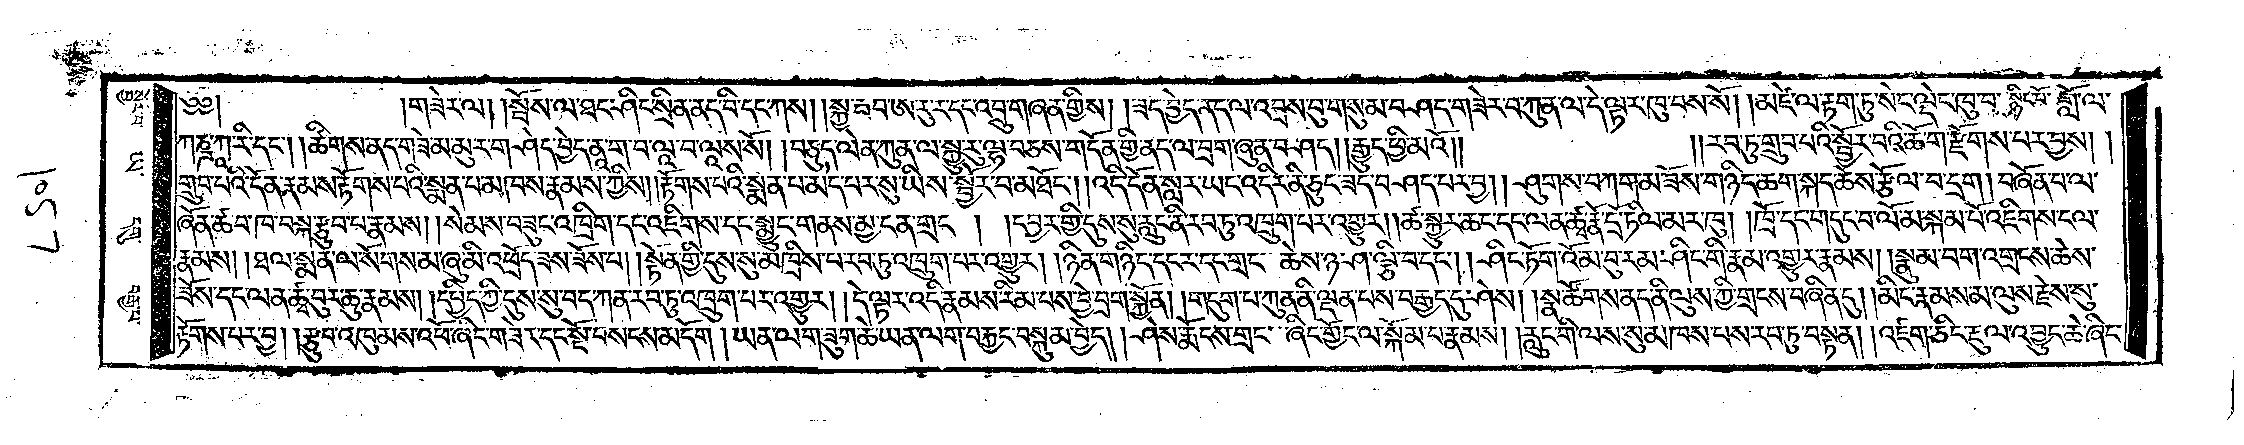༄༅། །གཟེར་ལ། །སྦོས་ལ་ཐང་ཤིང་སྲིན་ནད་བི་དང་ཀས། །སྐྱ་རྦབ་ཨ་རུ་ར་དང་འབྲུ་གཞན་གྱིས། །ཟད་བྱེད་ནད་ལ་འབྲས་བུ་གསུམ་བཤད་གཟེར་བ་ཀུན་ལ་དེ་ལྟར་ཁུ་བས་སོ། །མཛེ་ལ་རྟག་ཏུ་སེང་ལྡེང་ཁུ་བ་སྙིང་པོ་གློ་ལ་
ཀཎྜ་ཀཱ་རི་དང་། །ཚིགས་ནད་གཟེ་མ་མུ་ར་གཤེད་བྱེད་ནཱ་ག་བ་ལཱ་བ་ལཱས་སོ། །བཅུད་ལེན་ཀུན་ལ་སྐྱུ་རུ་ལྷ་བཅས་གདོན་གྱི་ནད་ལ་བྲག་ཞུན་བཤད། །རྒྱུད་ཕྱི་མའོ།། །།རབ་ཏུ་གྲུབ་པའི་སྦྱོར་བའི་ཆོ་ག་རྫོགས་པར་བྱས། །
གྲུབ་པའི་དོན་རྣམས་རྟོགས་པའི་སྨན་པ་མཁས་རྣམས་ཀྱིས། །རྟོགས་པའི་སྨན་པ་མེད་པར་སུ་ཡིས་སྦྱོར་བ་མཐོང་། །འདི་དོན་སླར་ཡང་འདིར་ནི་ཅུང་ཟད་བཤད་པར་བྱ།། ཤུགས་བཀག་མ་ཟོས་གཉིད་ཆག་སྐད་ཅེས་རྩོལ་བ་དྲག། བཞོན་པ་ལ་
ཞོན་ཚ་བ་ཁ་བསྐ་རྩུབ་པ་རྣམས། །སེམས་བཟུང་འཁྲིག་དང་འཇིགས་དང་སྨྱུང་གནས་མྱ་ངན་གྲང་། །དབྱར་གྱི་དུས་སུ་རླུང་ནི་རབ་ཏུ་འཁྲུག་པར་འགྱུར། །ཚ་སྐྱུར་ཆང་དང་ལན་ཚྭ་རྣོ་དྲོ་ཏིལ་མར་ཁུ། །ཁྲོ་དང་གདུང་བ་ལོ་མ་སྐམ་པོ་འཇིགས་ངལ་
རྣམས། །ཐལ་སྨན་ལ་སོགས་མ་ཞུ་མི་འཕྲོད་ཟས་ཟོས་པ། །སྟོན་གྱི་དུས་སུ་མཁྲིས་པ་རབ་ཏུ་འཁྲུག་པར་འགྱུར། །ཉིན་གཉིད་དངར་དང་གྲང་ཆེས་ཉ་ཤ་ལྕི་བ་དང་། །ཤིང་ཏོག་འོ་མ་བུ་རམ་ཤིང་གི་རྣམ་འགྱུར་རྣམས། །སྣུམ་བག་འགྲངས་ཆེས་
ཟོས་དང་ལན་ཚྭ་བུར་ཆུ་རྣམས། །དཔྱིད་ཀྱི་དུས་སུ་བད་ཀན་རབ་ཏུ་འཁྲུག་པར་འགྱུར། །དེ་ལྟར་འདི་རྣམས་རིམ་པས་བྱེ་བྲག་སྐྱོན། །གདུག་པ་ཀུན་ནི་ལྡན་པས་བརྒྱད་དུ་ཤེས། །སྣ་ཚོགས་ནད་ནི་ལུས་ཀྱི་གྲངས་བཞིན་དུ། །མིང་རྣམས་མ་ལུས་རྗེས་སུ་
རྟོགས་པར་བྱ། །རྩུབ་འཁུམས་འཕོ་ཞིང་གཟེར་དང་སྔོ་བསངས་མདོག །ཡན་ལག་ཟུག་ཆེ་ཡན་ལག་བརྐྱང་བསྐུམ་བྱེད། །ཤེས་རྨོངས་གྲང་ཞིང་གྱོང་ལ་སྐོམ་པ་རྣམས། །རླུང་གི་ལས་སུ་མཁས་པས་རབ་ཏུ་བསྟན། །འཛག་ཅིང་རྡུལ་འབྱུང་ཆེ་ཞིང་